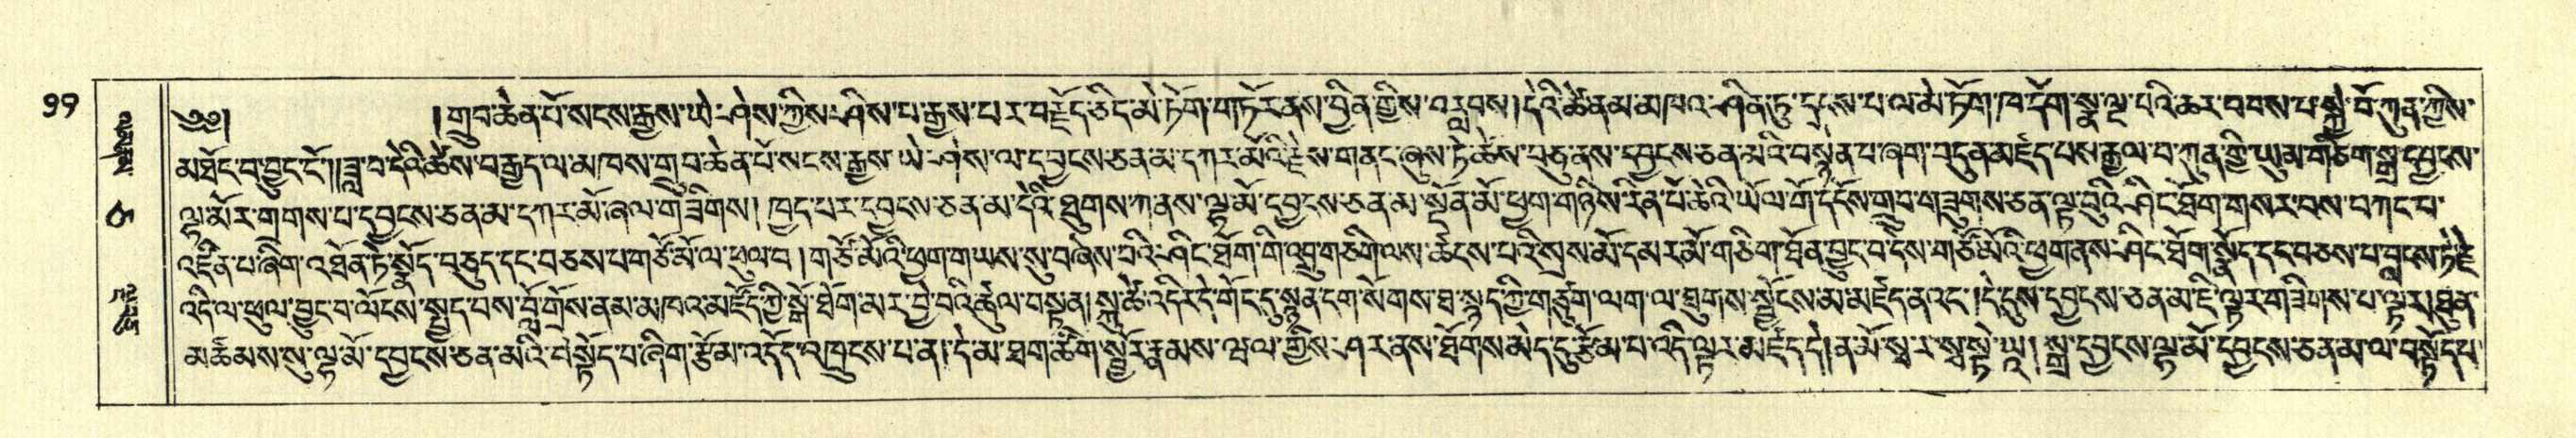༄༅། །གྲུབ་ཆེན་པོ་སངས་རྒྱས་ཡེ་ཤེས་ཀྱིས་ཤིས་པ་རྒྱས་པར་བརྗོད་ཅིང་མེ་ཏོག་གཏོར་ནས་བྱིན་གྱིས་བརླབས། དེའི་ཚེ་ནམ་མཁའ་ཤིན་ཏུ་དྲངས་པ་ལ་མེ་ཏོག་ཁ་དོག་སྣ་ལྔ་པའི་ཆར་བབས་པ་སྐྱེ་བོ་ཀུན་ཀྱིས་
མཐོང་བ་བྱུང་ངོ། །ཟླ་བ་དེའི་ཚེས་བརྒྱད་ལ་མཁས་གྲུབ་ཆེན་པོ་སངས་རྒྱས་ཡེ་ཤེས་ལ་དབྱངས་ཅན་མ་དཀར་མོའི་རྗེས་གནང་ཞུས་ཏེ་ཚེས་བཅུ་ནས་དབྱངས་ཅན་མའི་བསྙེན་པ་ཞག་བདུན་མཛད་པས་རྒྱལ་བ་ཀུན་གྱི་ཡུམ་གཅིག་སྒྲ་དབྱངས་
ལྷ་མོར་གྲགས་པ་དབྱངས་ཅན་མ་དཀར་མོ་ཞལ་གཟིགས། ཁྱད་པར་དབྱངས་ཅན་མ་དེའི་ཐུགས་ཀ་ནས་ལྷ་མོ་དབྱངས་ཅན་མ་སྔོན་མོ་ཕྱག་གཉིས་རིན་པོ་ཆེའི་ཡོལ་གོ་དངོས་གྲུབ་གཟུགས་ཅན་ལྟ་བུའི་ཤིང་ཐོག་གསར་བས་བཀང་བ་
འཛིན་པ་ཞིག་འཐོན་ཏེ་སྣོད་བཅུད་དང་བཅས་པ་གཙོ་མོ་ལ་ཕུལ་བ། གཙོ་མོའི་ཕྱག་གཡས་སུ་བཞེས་པའི་ཤིང་ཐོག་གི་འབྲུ་གཅིག་ལས་ཚངས་པའི་སྲས་མོ་དམར་མོ་གཅིག་ཐོན་བྱུང་བ་དེས་གཙོ་མོའི་ཕྱག་ནས་ཤིང་ཐོག་སྣོད་དང་བཅས་པ་བླངས་ཏེ་རྗེ་
འདི་ལ་ཕུལ་བྱུང་བ་ལོངས་སྤྱོད་བས་བློ་གྲོས་ནམ་མཁའ་མཛོད་ཀྱི་སྒོ་ཐོག་མར་བྱེ་བའི་ཚུལ་བསྟན། སྐུ་ཚེ་འདིར་དེ་གོང་དུ་སྙན་ངག་སོགས་ཐ་སྙད་ཀྱི་གཙུག་ལག་ལ་ཐུགས་སྦྱོངས་མ་མཛད་ནའང་།དེ་དུས་དབྱངས་ཅན་མ་ཇི་ལྟར་གཟིགས་པ་ལྟར། ཐུན་
མཚམས་སུ་ལྷ་མོ་དབྱངས་ཅན་མའི་བསྟོད་པ་ཞིག་རྩོམ་འདོད་འཁྲུངས་པ་ན། དེ་མ་ཐག་ཚིག་སྦྱོར་རྣམས་ཝལ་གྱིས་ཤར་ནས་ཐོགས་མེད་དུ་རྩོམ་པ་འདི་ལྟར་མཛད་དེ། ན་མོ་སྭ་ར་སྭ་སྟེ་ཡཱ། སྒྲ་དབྱངས་ལྷ་མོ་དབྱངས་ཅན་མ་ལ་བསྟོད་པ་